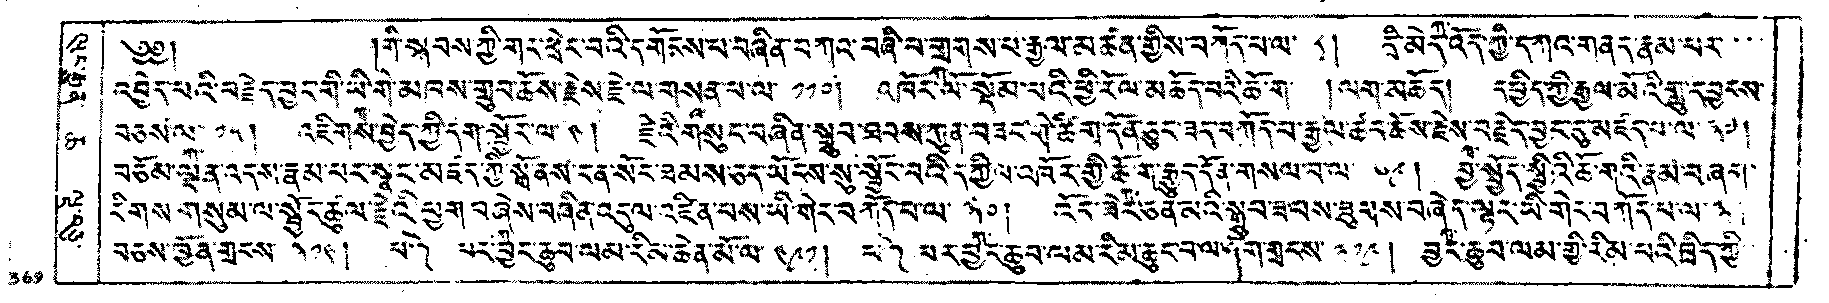༄༅། །གི་སྐབས་ཀྱི་གར་ཕྲེང་བའི་དགོངས་པ་བཞིན་བཀའ་བཞི་པ་གྲགས་པ་རྒྱལ་མཚན་གྱིས་བཀོད་པ་ལ ༨། ཀ་དྲི་མེད་འོད་ཀྱི་དཀའ་གནད་རྣམ་པར་
འབྱེད་པའི་བརྗེད་བྱང་གི་ཡི་གེ་མཁས་གྲུབ་ཆོས་རྗེས་རྗེ་ལ་གསན་པ་ལ ༡༡༠། ཀ་འཁོར་ལོ་སྡོམ་པའི་ཕྱི་རོལ་མཆོད་པའི་ཆོ་ག །ལག་མཆོད། དཔྱིད་ཀྱི་རྒྱལ་མོའི་གླུ་དབྱངས་
བཅས་ལ ༡༥། ཀ་འཇིགས་བྱེད་ཀྱི་དག་སྦྱོར་ལ ༤། ཁ་རྗེའི་གསུང་བཞིན་སྒྲུབ་ཐབས་ཀུན་བཟང་གི་ཚིག་དོན་ཅུང་ཟད་བཀོད་པ་རྒྱལ་ཚབ་ཆོས་རྗེས་བརྗེད་བྱང་དུ་མཛད་པ་ལ ༣༧།
ཀ་བཅོམ་ལྡན་འདས་རྣམ་པར་སྣང་མཛད་ཀྱི་སྒོ་ནས་ངན་སོང་ཐམས་ཅད་ཡོངས་སུ་སྦྱོང་བའི་དཀྱིལ་འཁོར་གྱི་ཆོ་ག་རྒྱུད་དོན་གསལ་བ་ལ ༦༩། ཀ་བྱ་སྤྱོད་སྤྱིའི་ཆོ་གའི་རྣམ་བཞག་
རིགས་གསུམ་ལ་སྦྱོར་ཚུལ་རྗེའི་ཕྱག་བཞེས་བཞིན་འདུལ་འཛིན་པས་ཡི་གེར་བཀོད་པ་ལ ༣༠། ཀ་འོད་ཟེར་ཅན་མའི་སྒྲུབ་ཐབས་ཐུགས་བཞེད་ལྟར་ཡི་གེར་བཀོད་པ་ལ ༣།
བཅས་ཁྱོན་གྲངས ༣༡༤། པ}་ཀ་པར་བྱང་ཆུབ་ལམ་རིན་ཆེན་མོ་ལ ༤༩༡། ཕ}་ཀ་པར་བྱང་ཆུབ་ལམ་རིམ་ཆུང་བ་ལ་ཤོག་གྲངས ༢༡༩། ཀ་བྱང་ཆུབ་ལམ་གྱི་རིམ་པའི་ཁྲིད་ཀྱི་